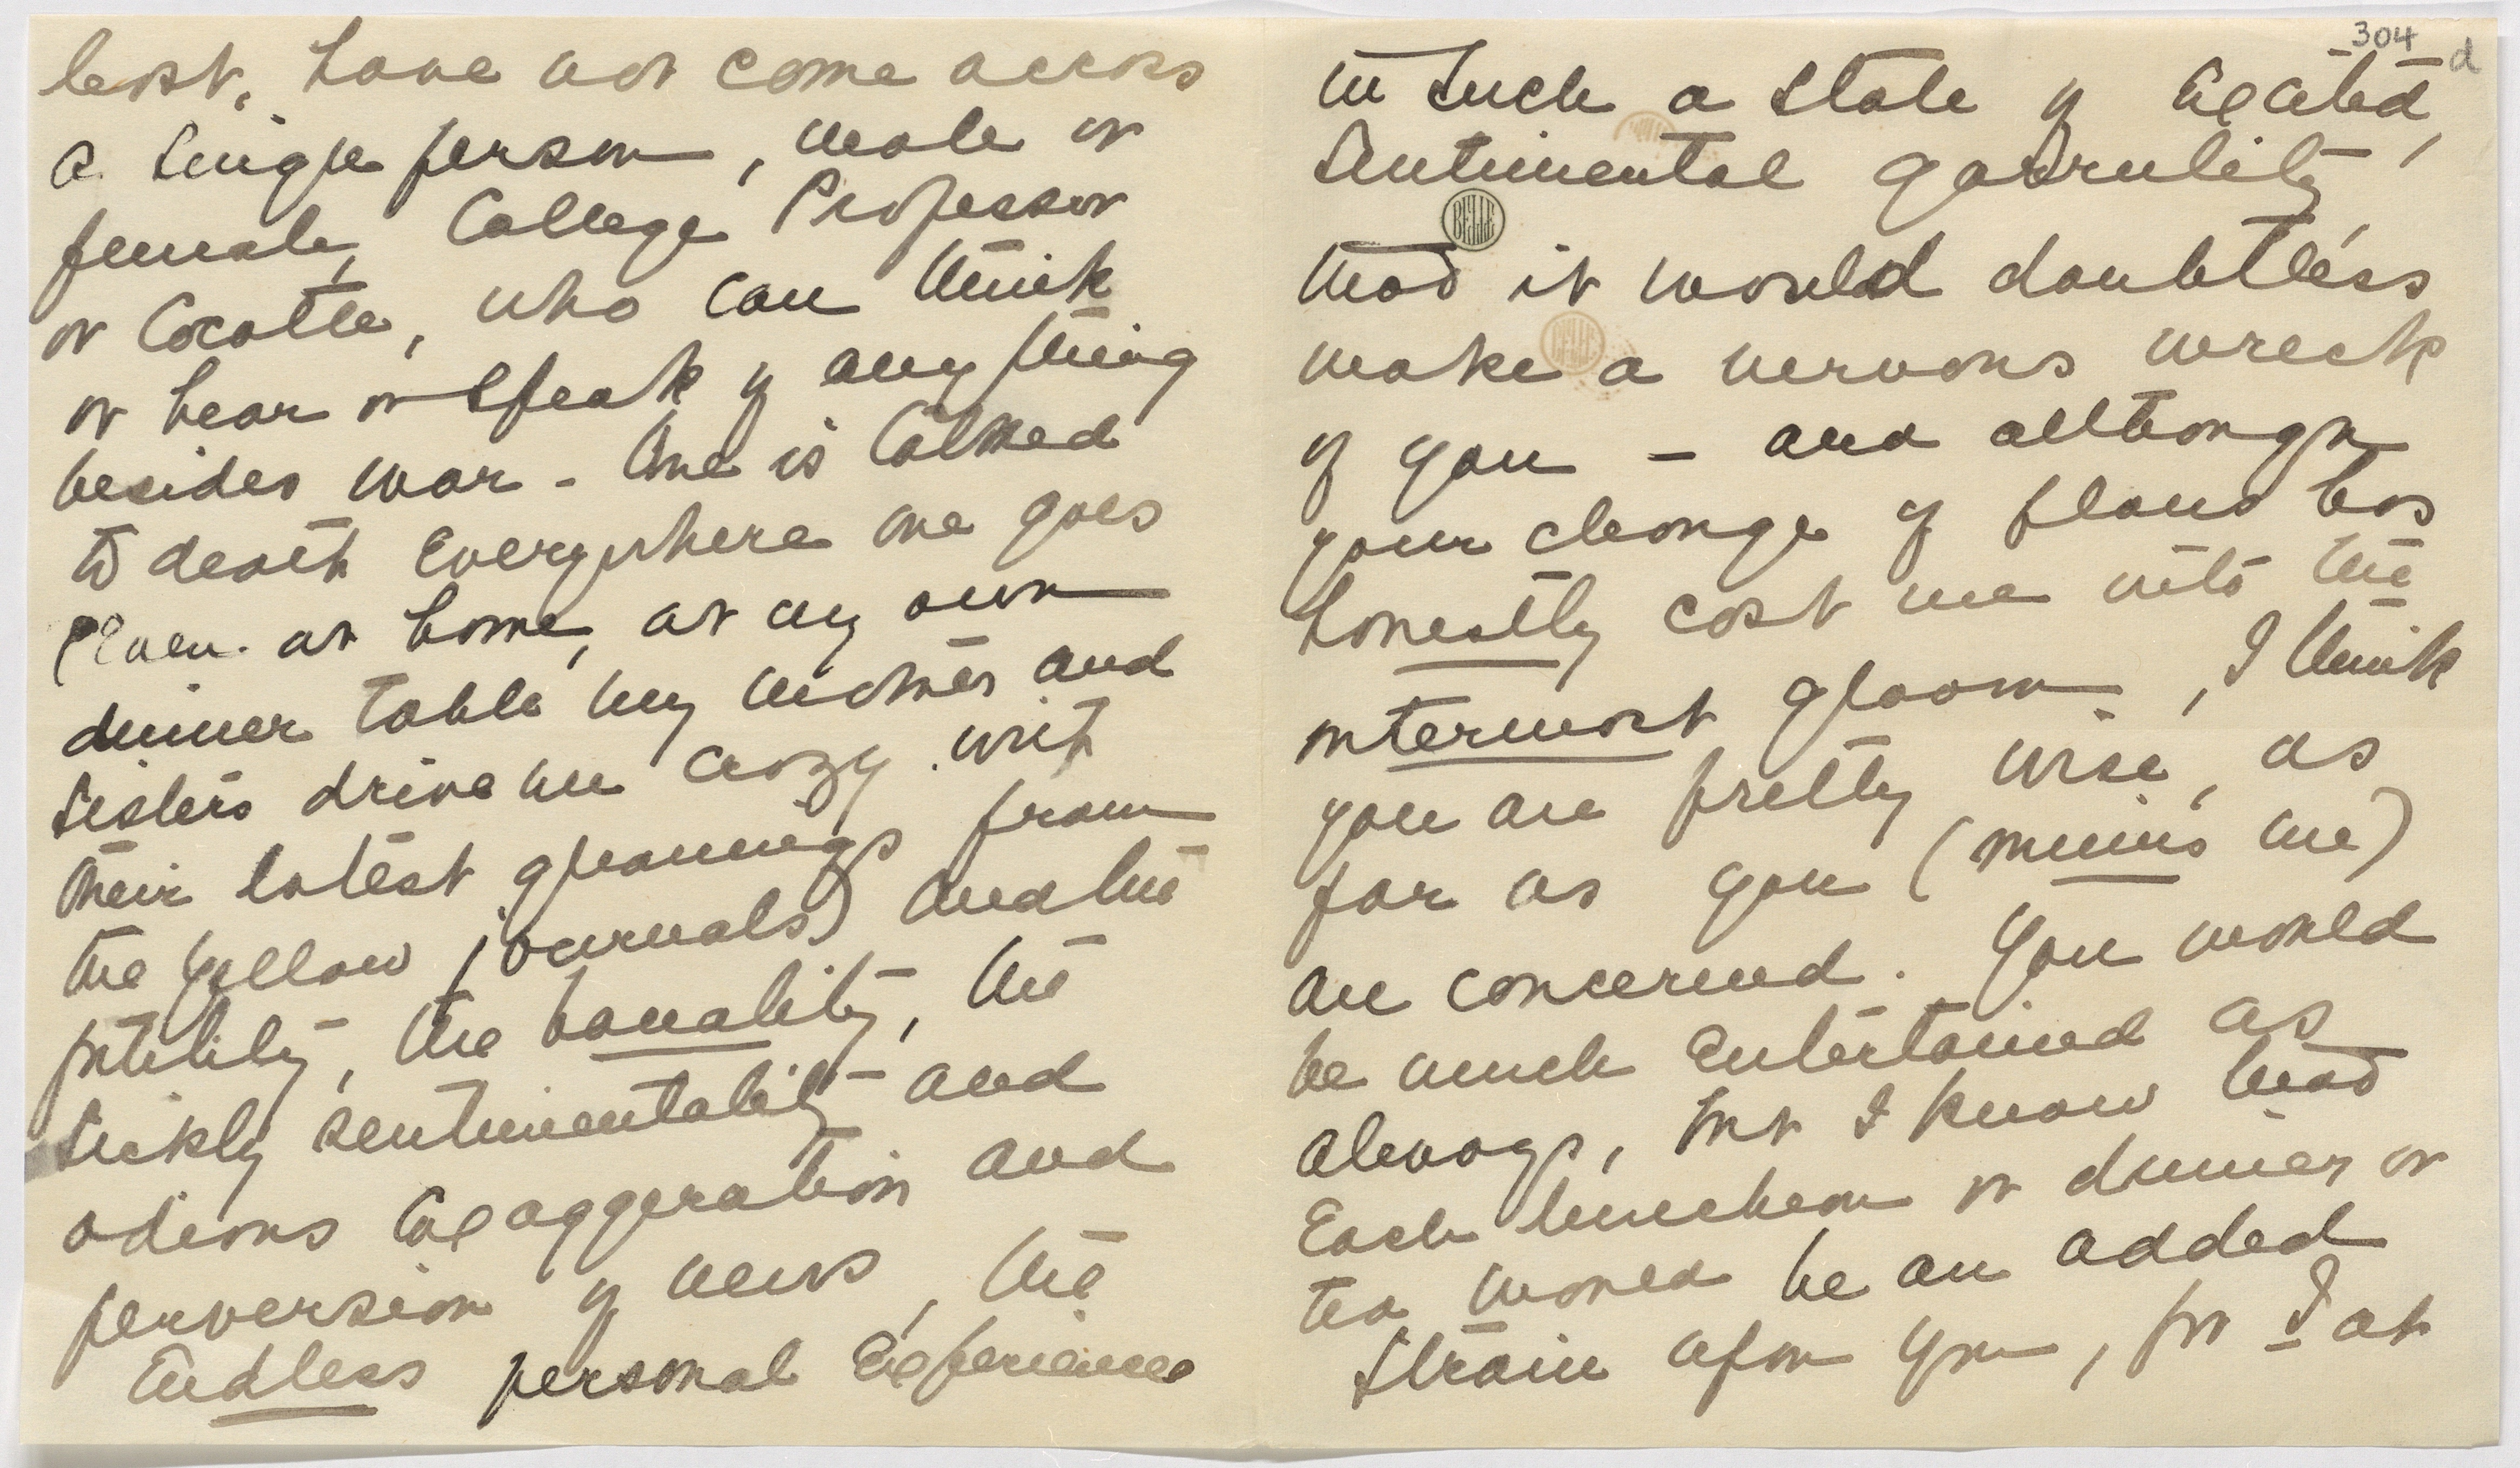in such a state of excited, sentimental garrulity, that it would doubtless make a nervous wreck of you – and although your change of plans has honestly cast me into the outermost gloom, I think you are pretty wise, as for as you (minus me) are concerned. You would be much entertained as always, but I know that each luncheon or dinner or tea would be an added strain upon you, for I at
least, have not come across a single person, male or female, College Professor or Cocotte, who can think or hear or speak of anything besides war – One is talked to death everywhere one goes (even at home, at my own dinner table my mother and sisters drive me crazy with their latest gleanings from the Yellow journals) And the futility, the banality, the sickly sentimentality and odious exaggeration and perversion of news, the endless personal experiences